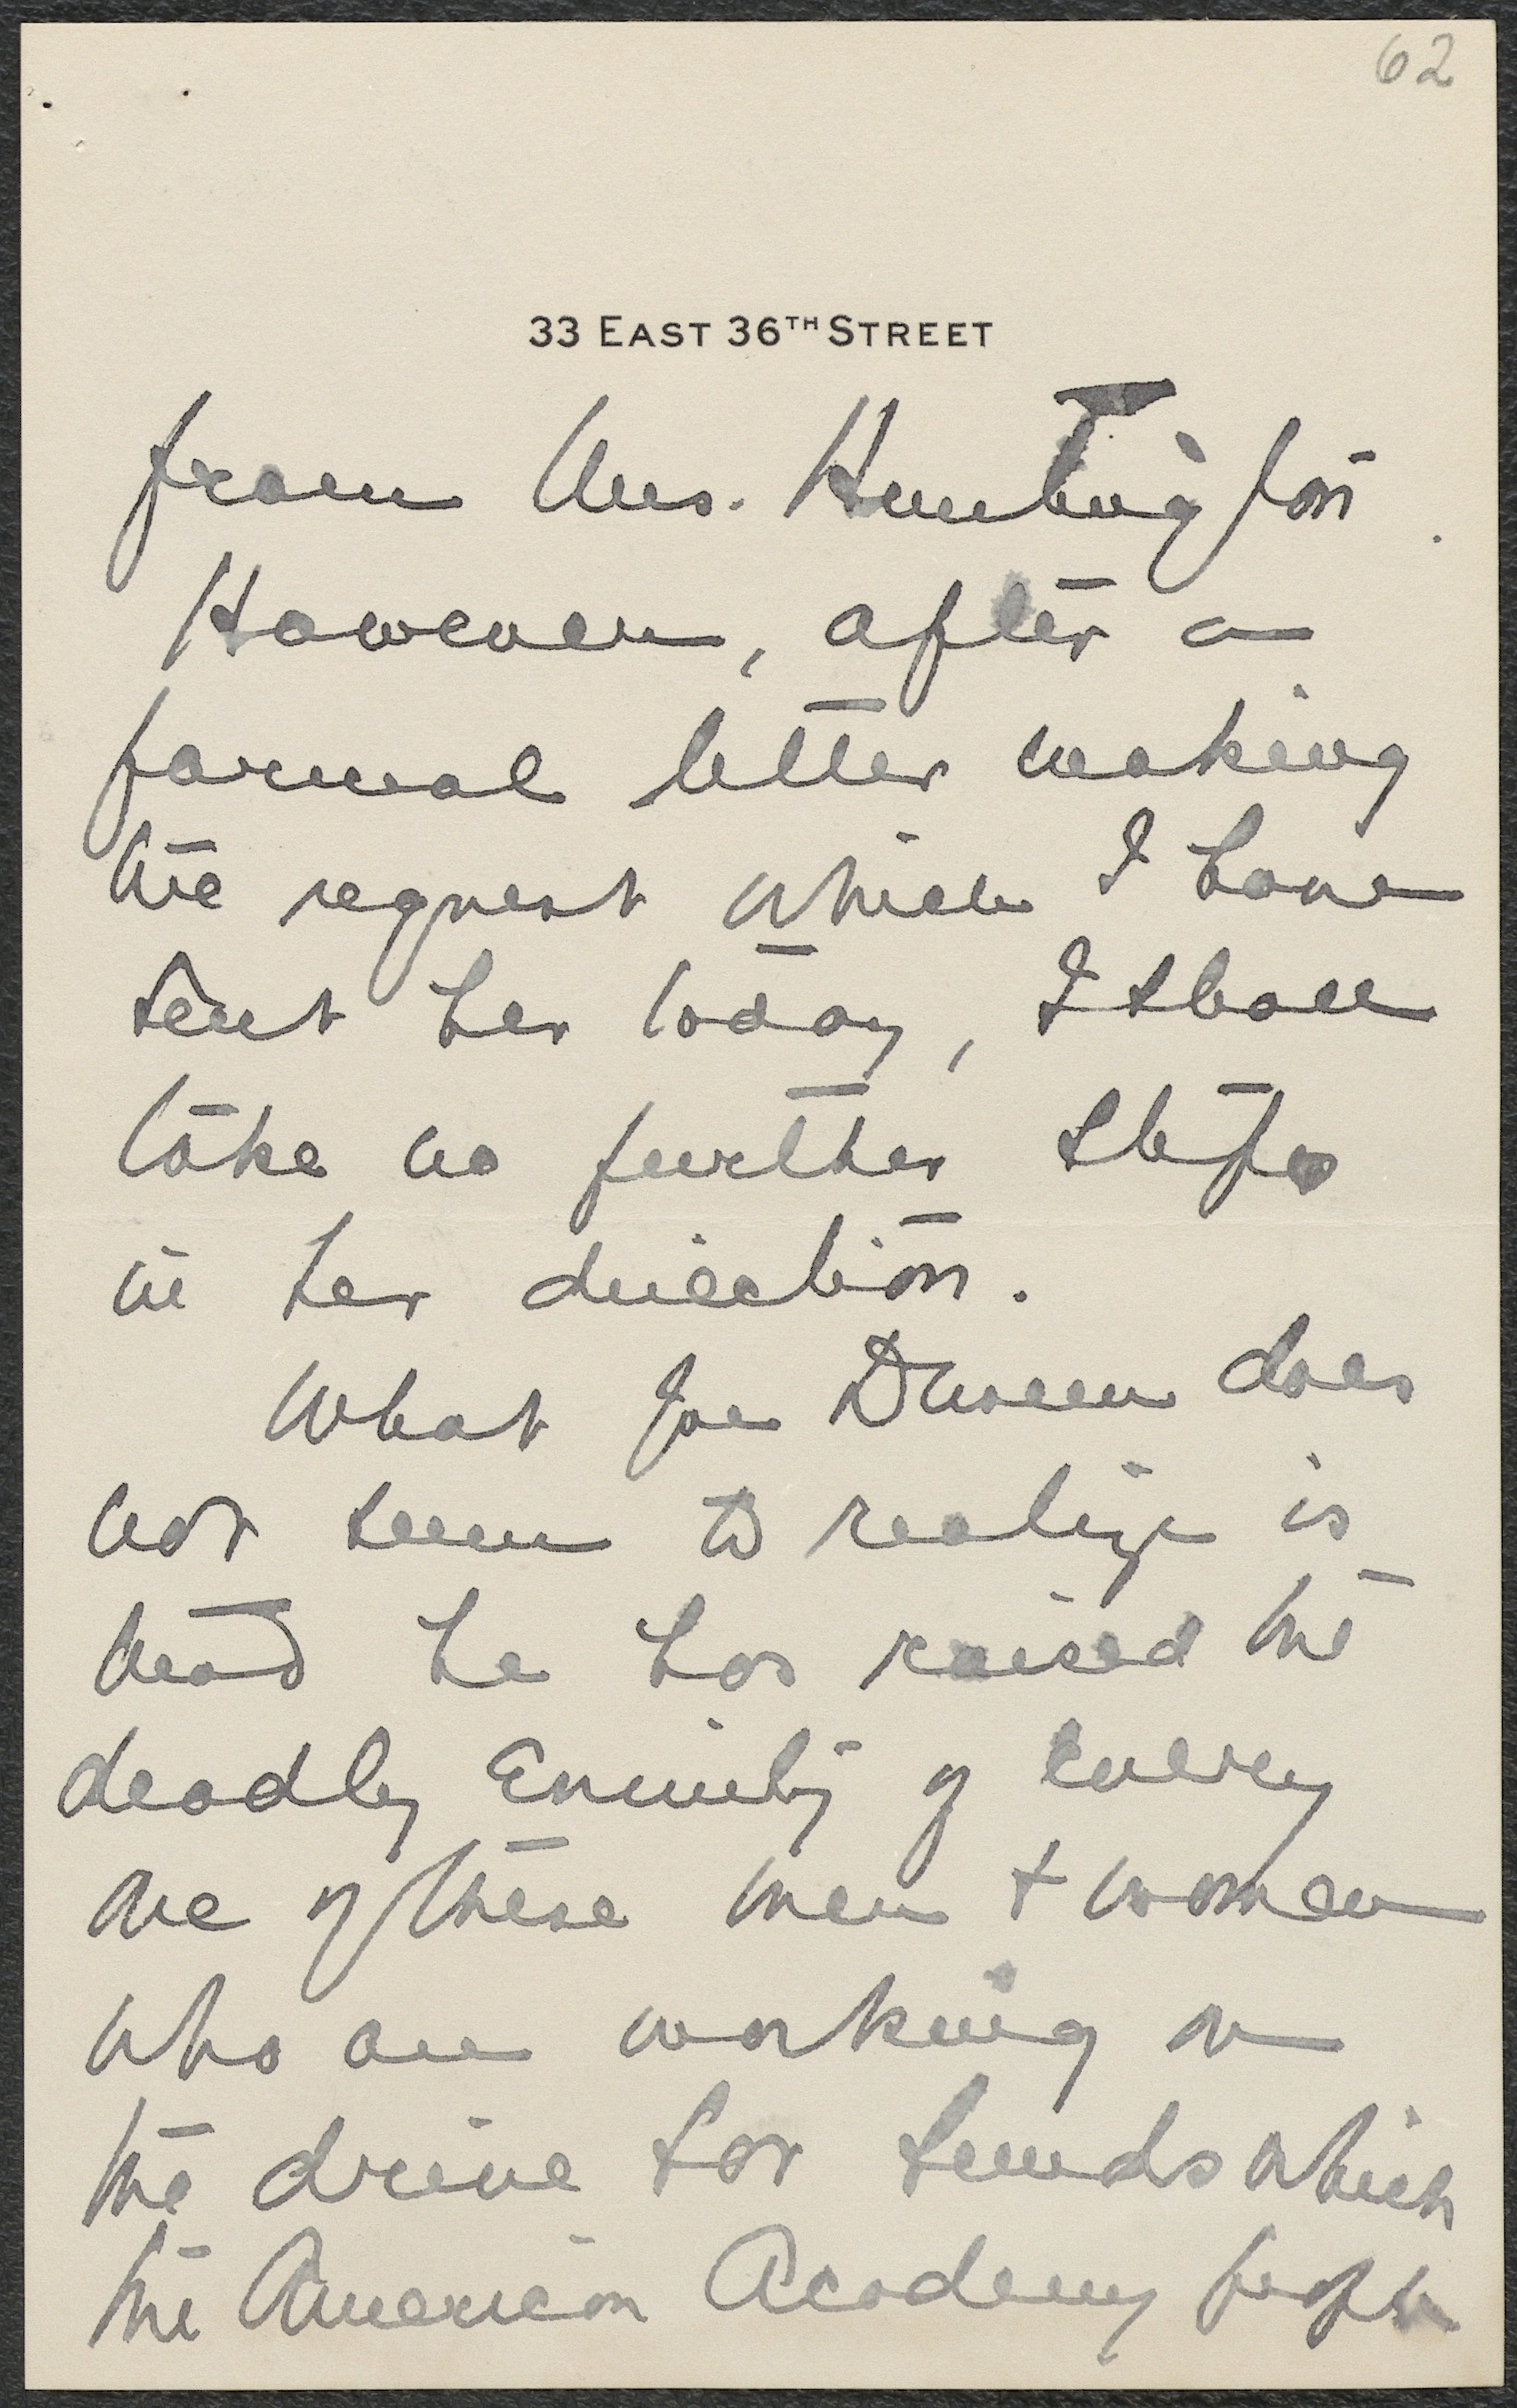from Mrs. Huntington.
However, after a formal letter making the request which I have sent her today, I shall take no further steps in her direction.
What Joe Duveen does not seem to realize is that he has raised the deadly enmity of every one of these men & women who are working on the drive for funds which the American Academy hopes